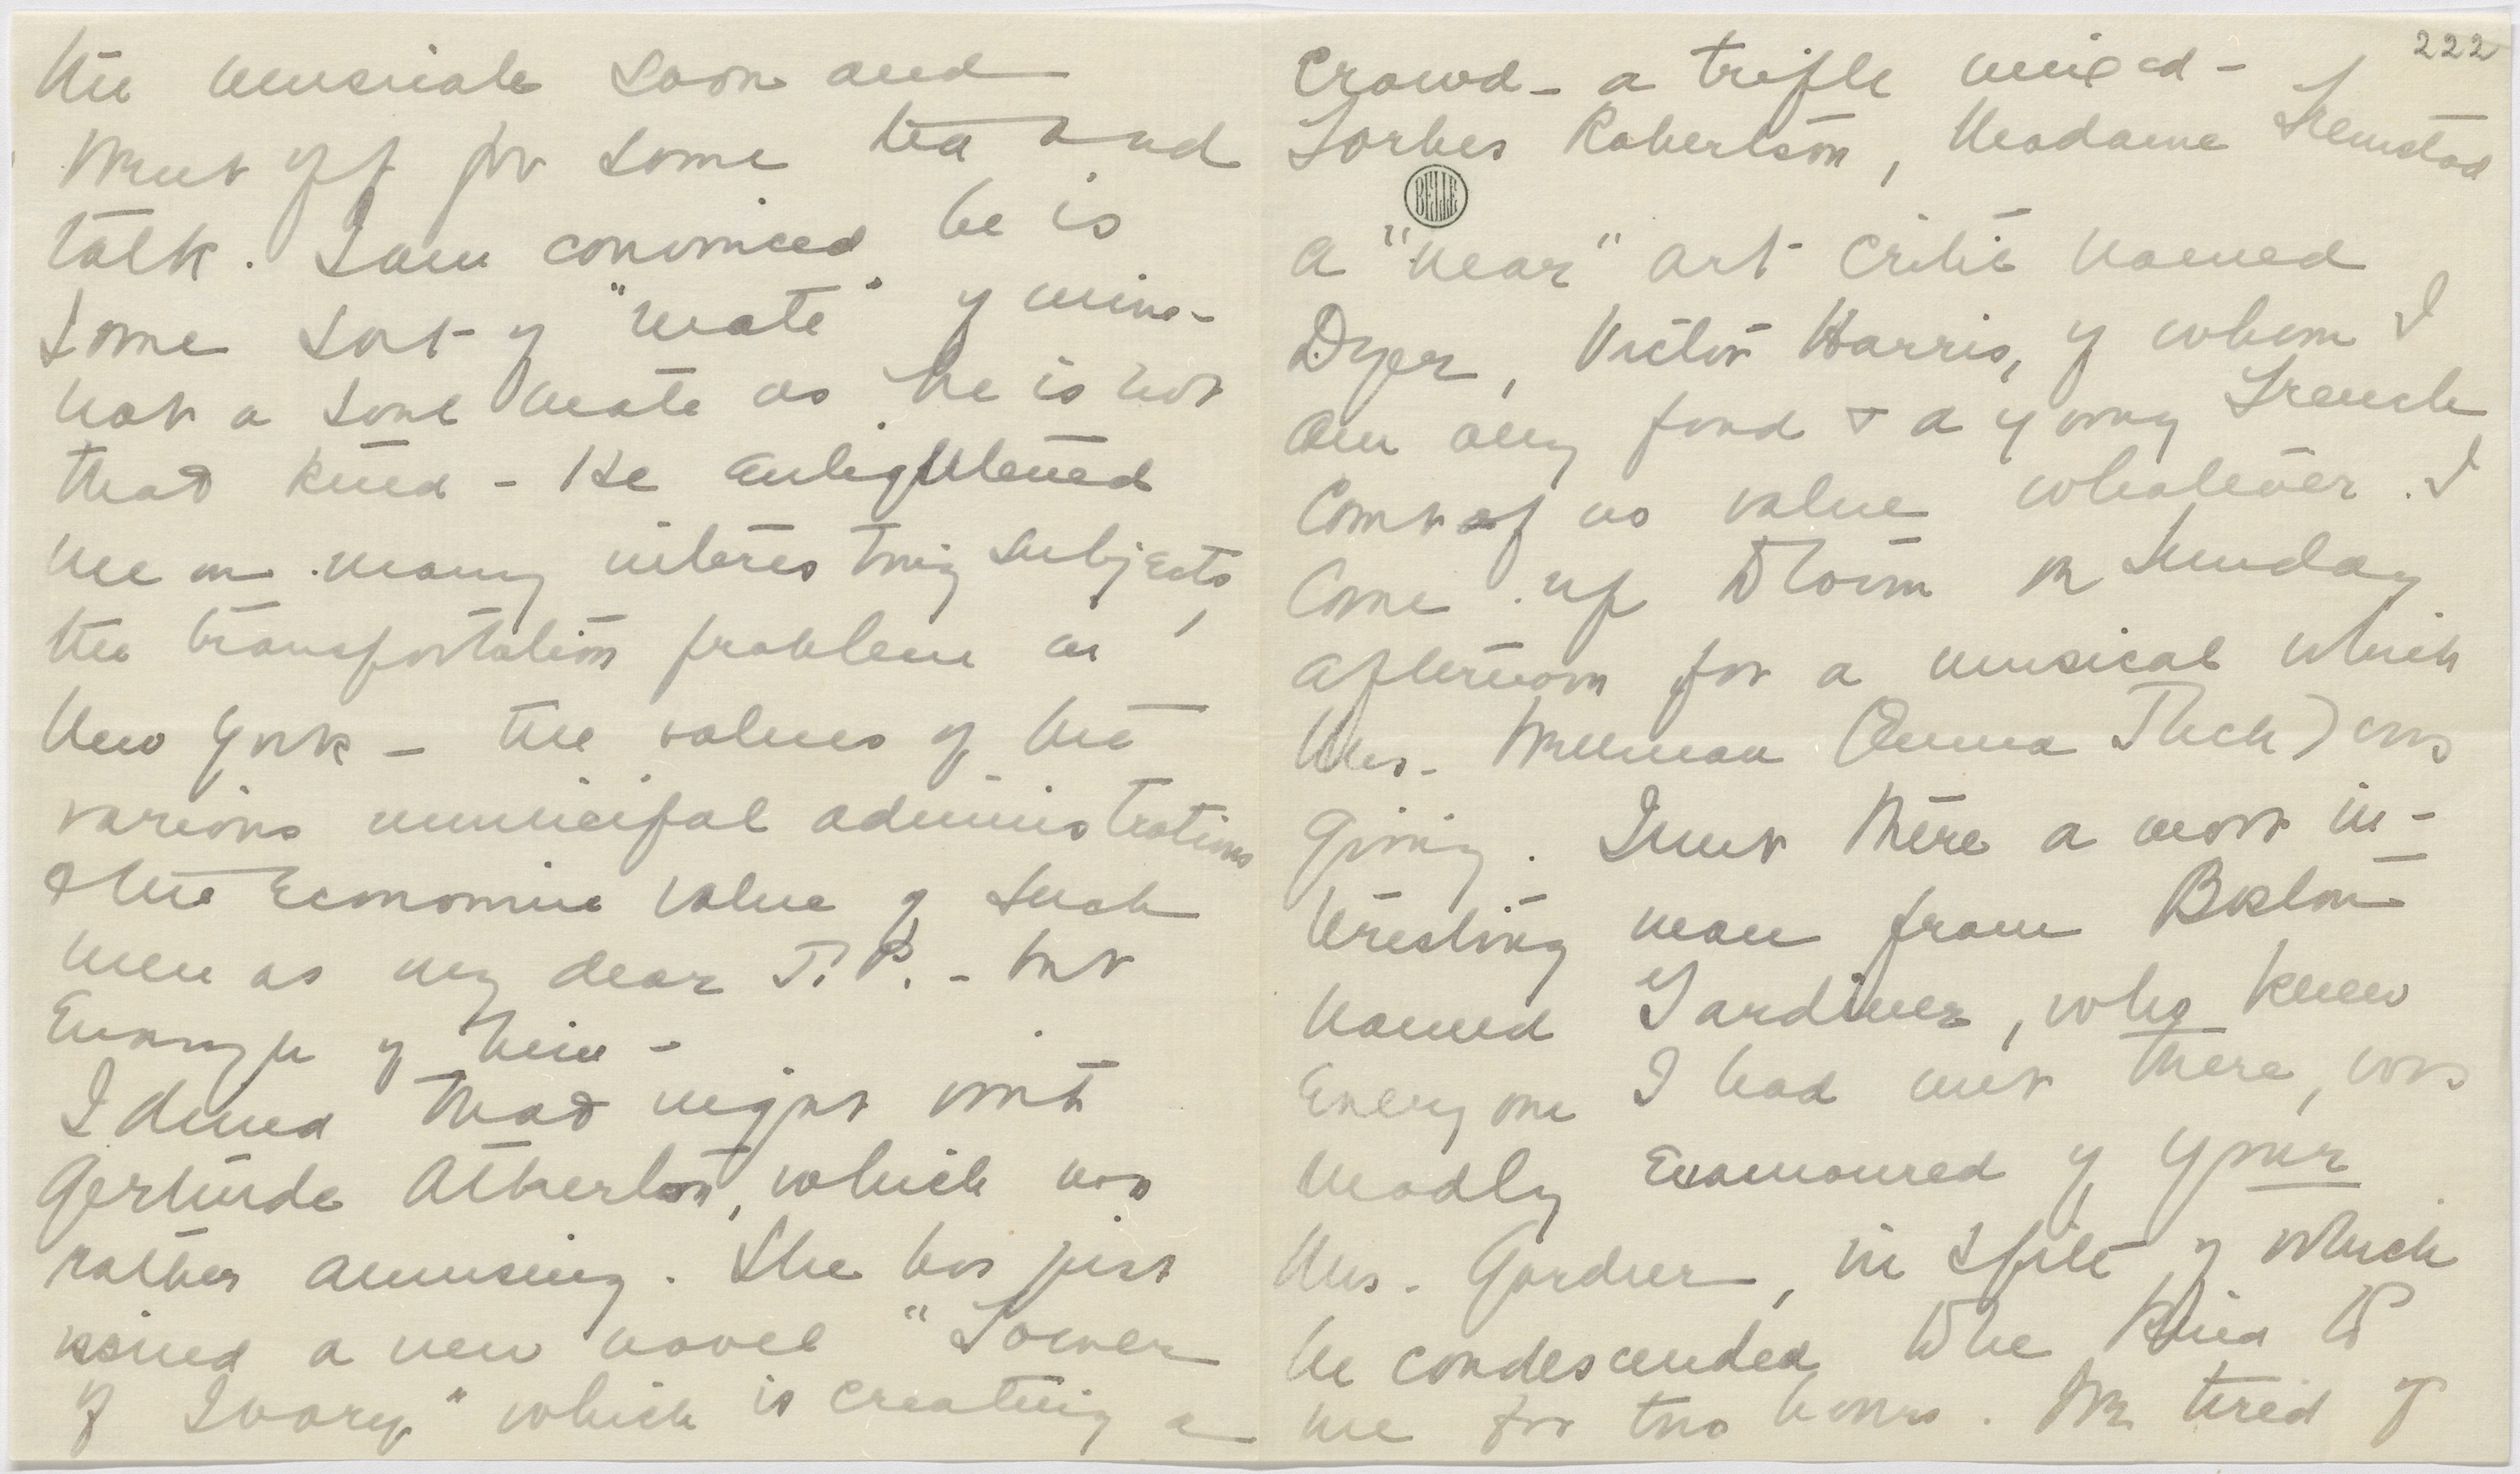crowd – a trifle mixed – Forbes Robertson, Madame Fremstad a “near” art critic named Dyer, Victor Harris, of whom I am very fond & a young French Count of no value whatever. I came up to town on Sunday afternoon for a musical which Mrs. Wellman (Emma Jack) was giving. I met there a most interesting man from Boston named Gardiner, who knew every one I had met there, was madly enamoured of your Mrs. Gardner, in spite of which he condescended to be kind to me for two hours. We tired of
the musicale soon and went off for some tea and talk. I am convinced he is some sort of “mate” of mine – not a soul mate as he is not that kind – He enlightened me on many interesting subjects, the transportation problem in New York – the values of the various municipal administrations & the economic value of such men as my dear J.P. – but enough of him –
I dined that night with Gertrude Atherton, which was rather amusing. She has just issued a new novel “Tower of Ivory” which is creating a